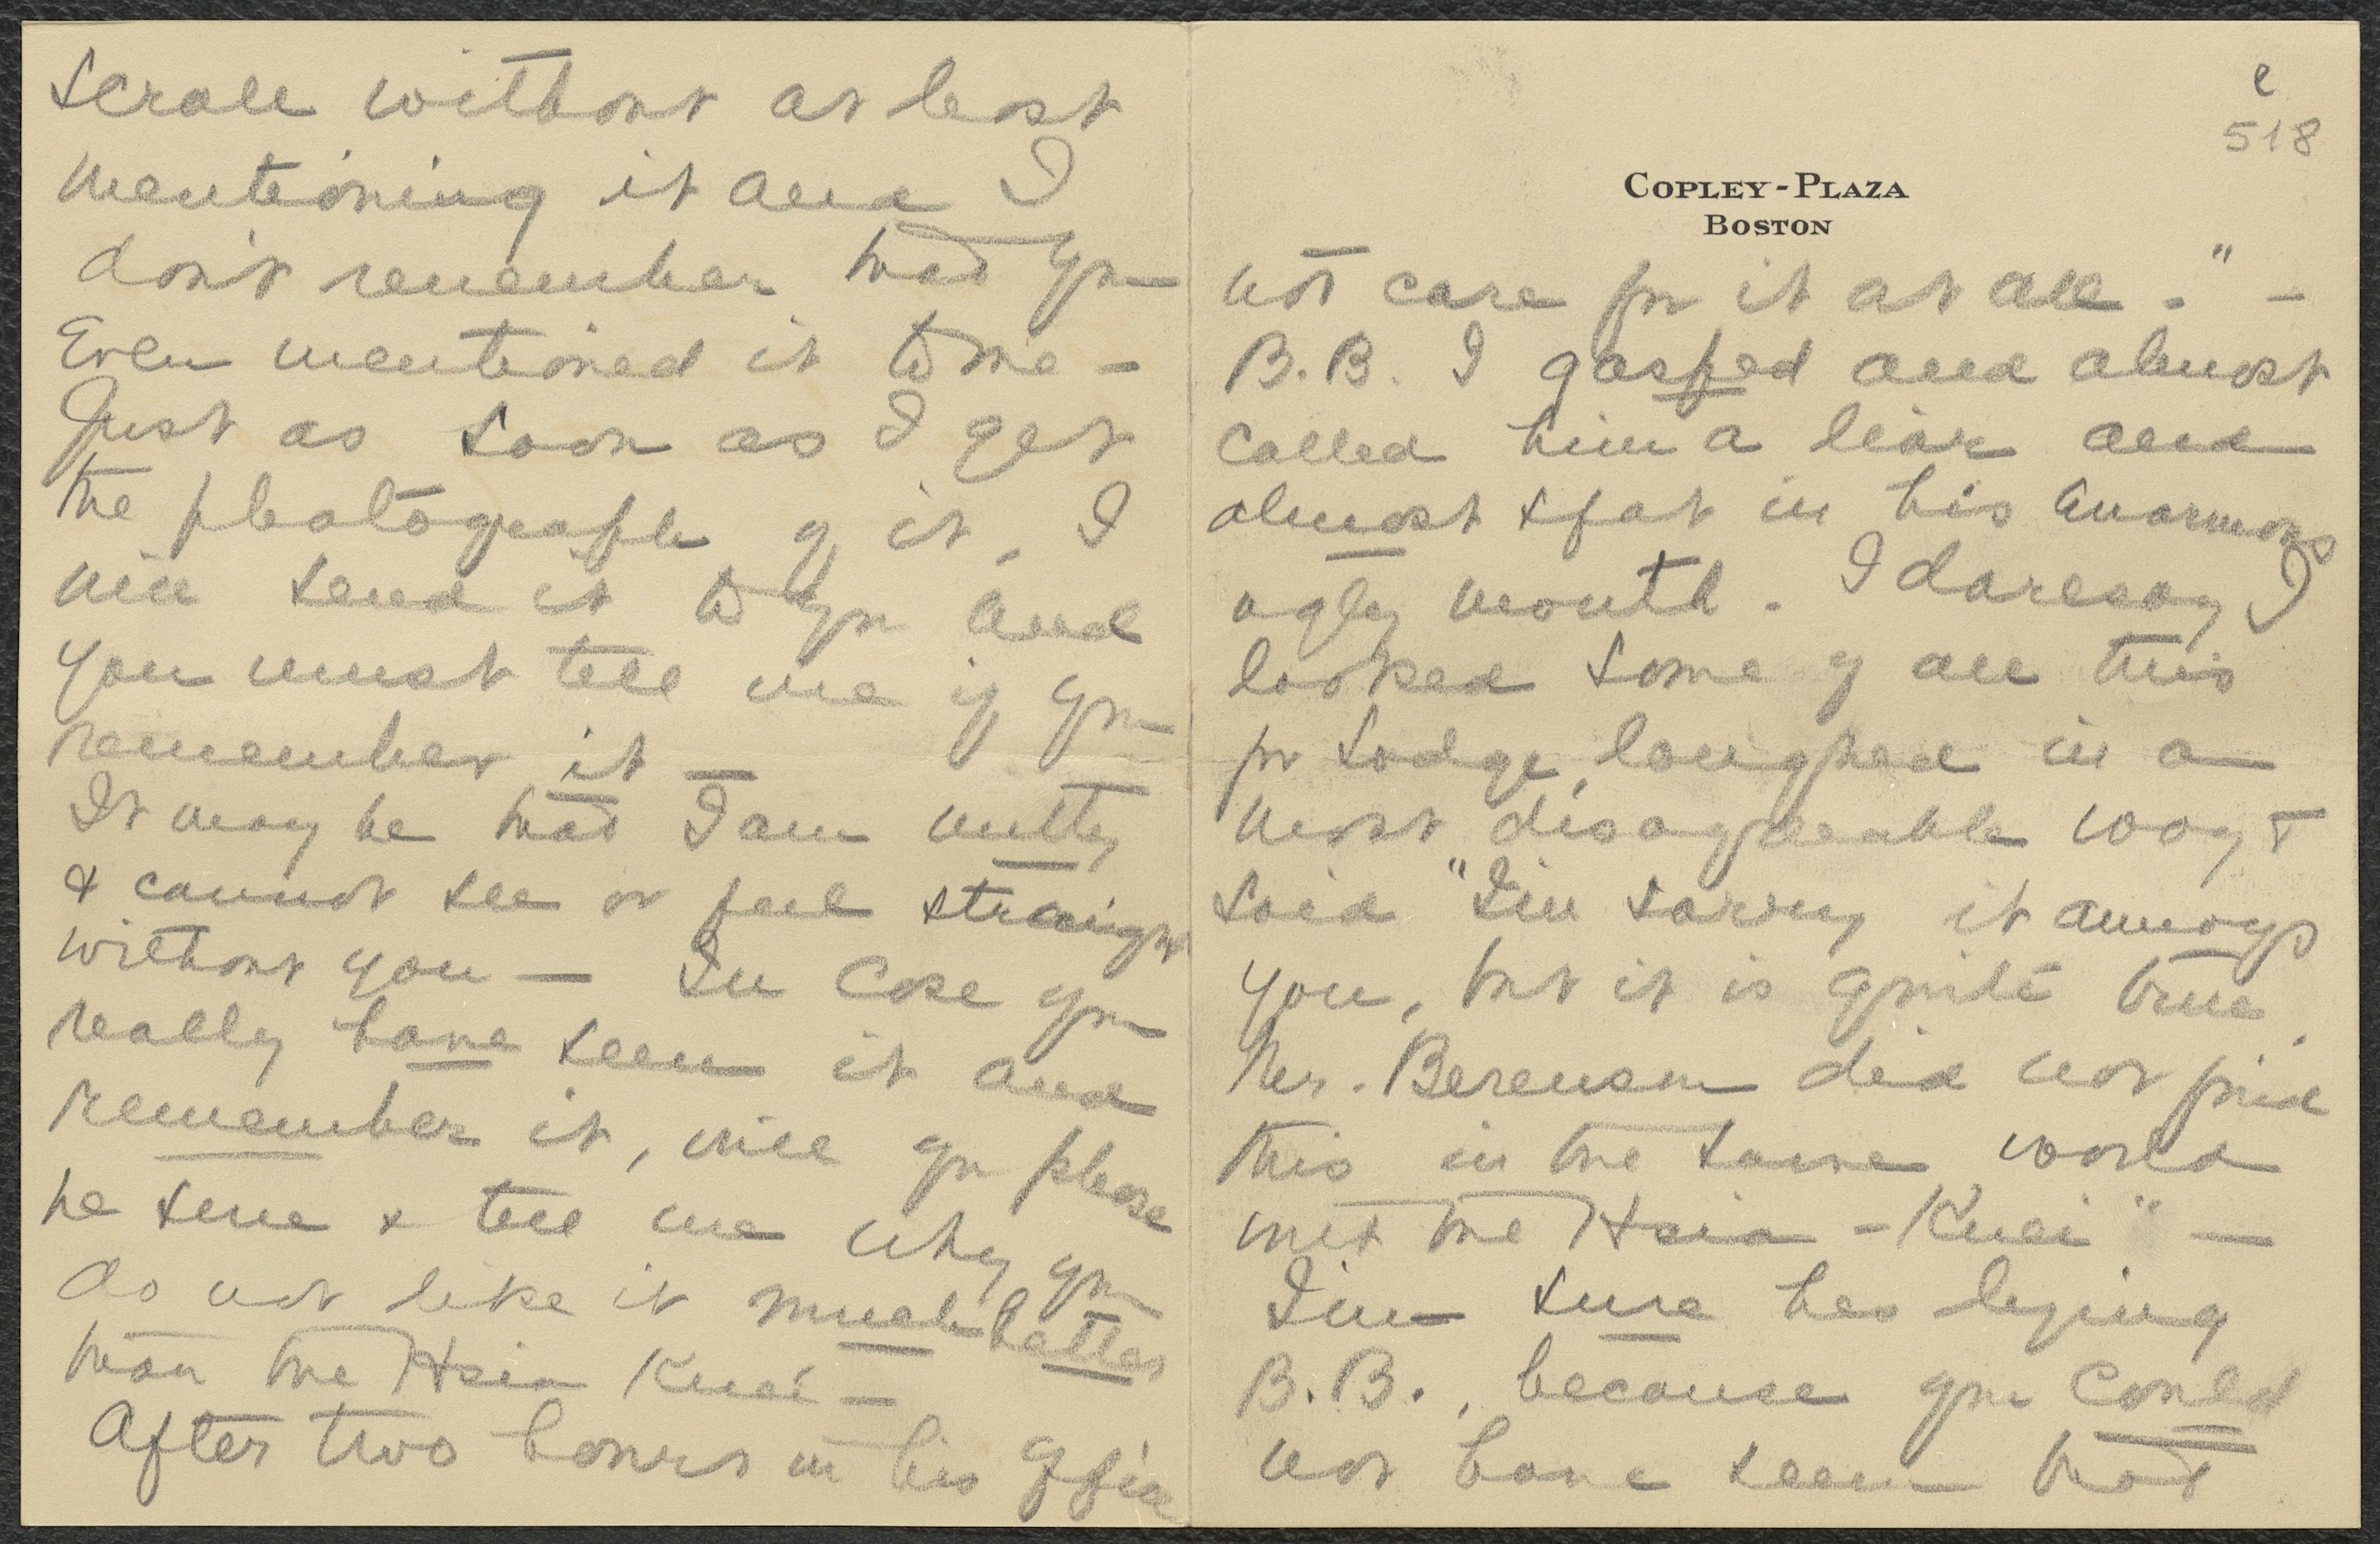not care for it at all –” – B.B. I gasped and almost called him a liar and almost spat in his enormous ugly mouth. I daresay I looked some of all this for Lodge laughed in a most disagreeable way & said “I’m sorry it annoys you, but it is quite true. Mr. Berenson did not find this in the same world with the Hsia-Kuei” – I’m – sure he’s lying B.B. because you could not have seen – that
scroll without at least mentioning it and I don’t remember that you even mentioned it to me – Just as soon as I get the photograph of it, I will send it to you and you must tell me if you remember it –
It may be that I am nutty & cannot see or feel straight without you – In case you really have seen it and remember it, will you please be sure & tell me why you do not like it much better than the Hsia-Kuei –
After two hours in his office